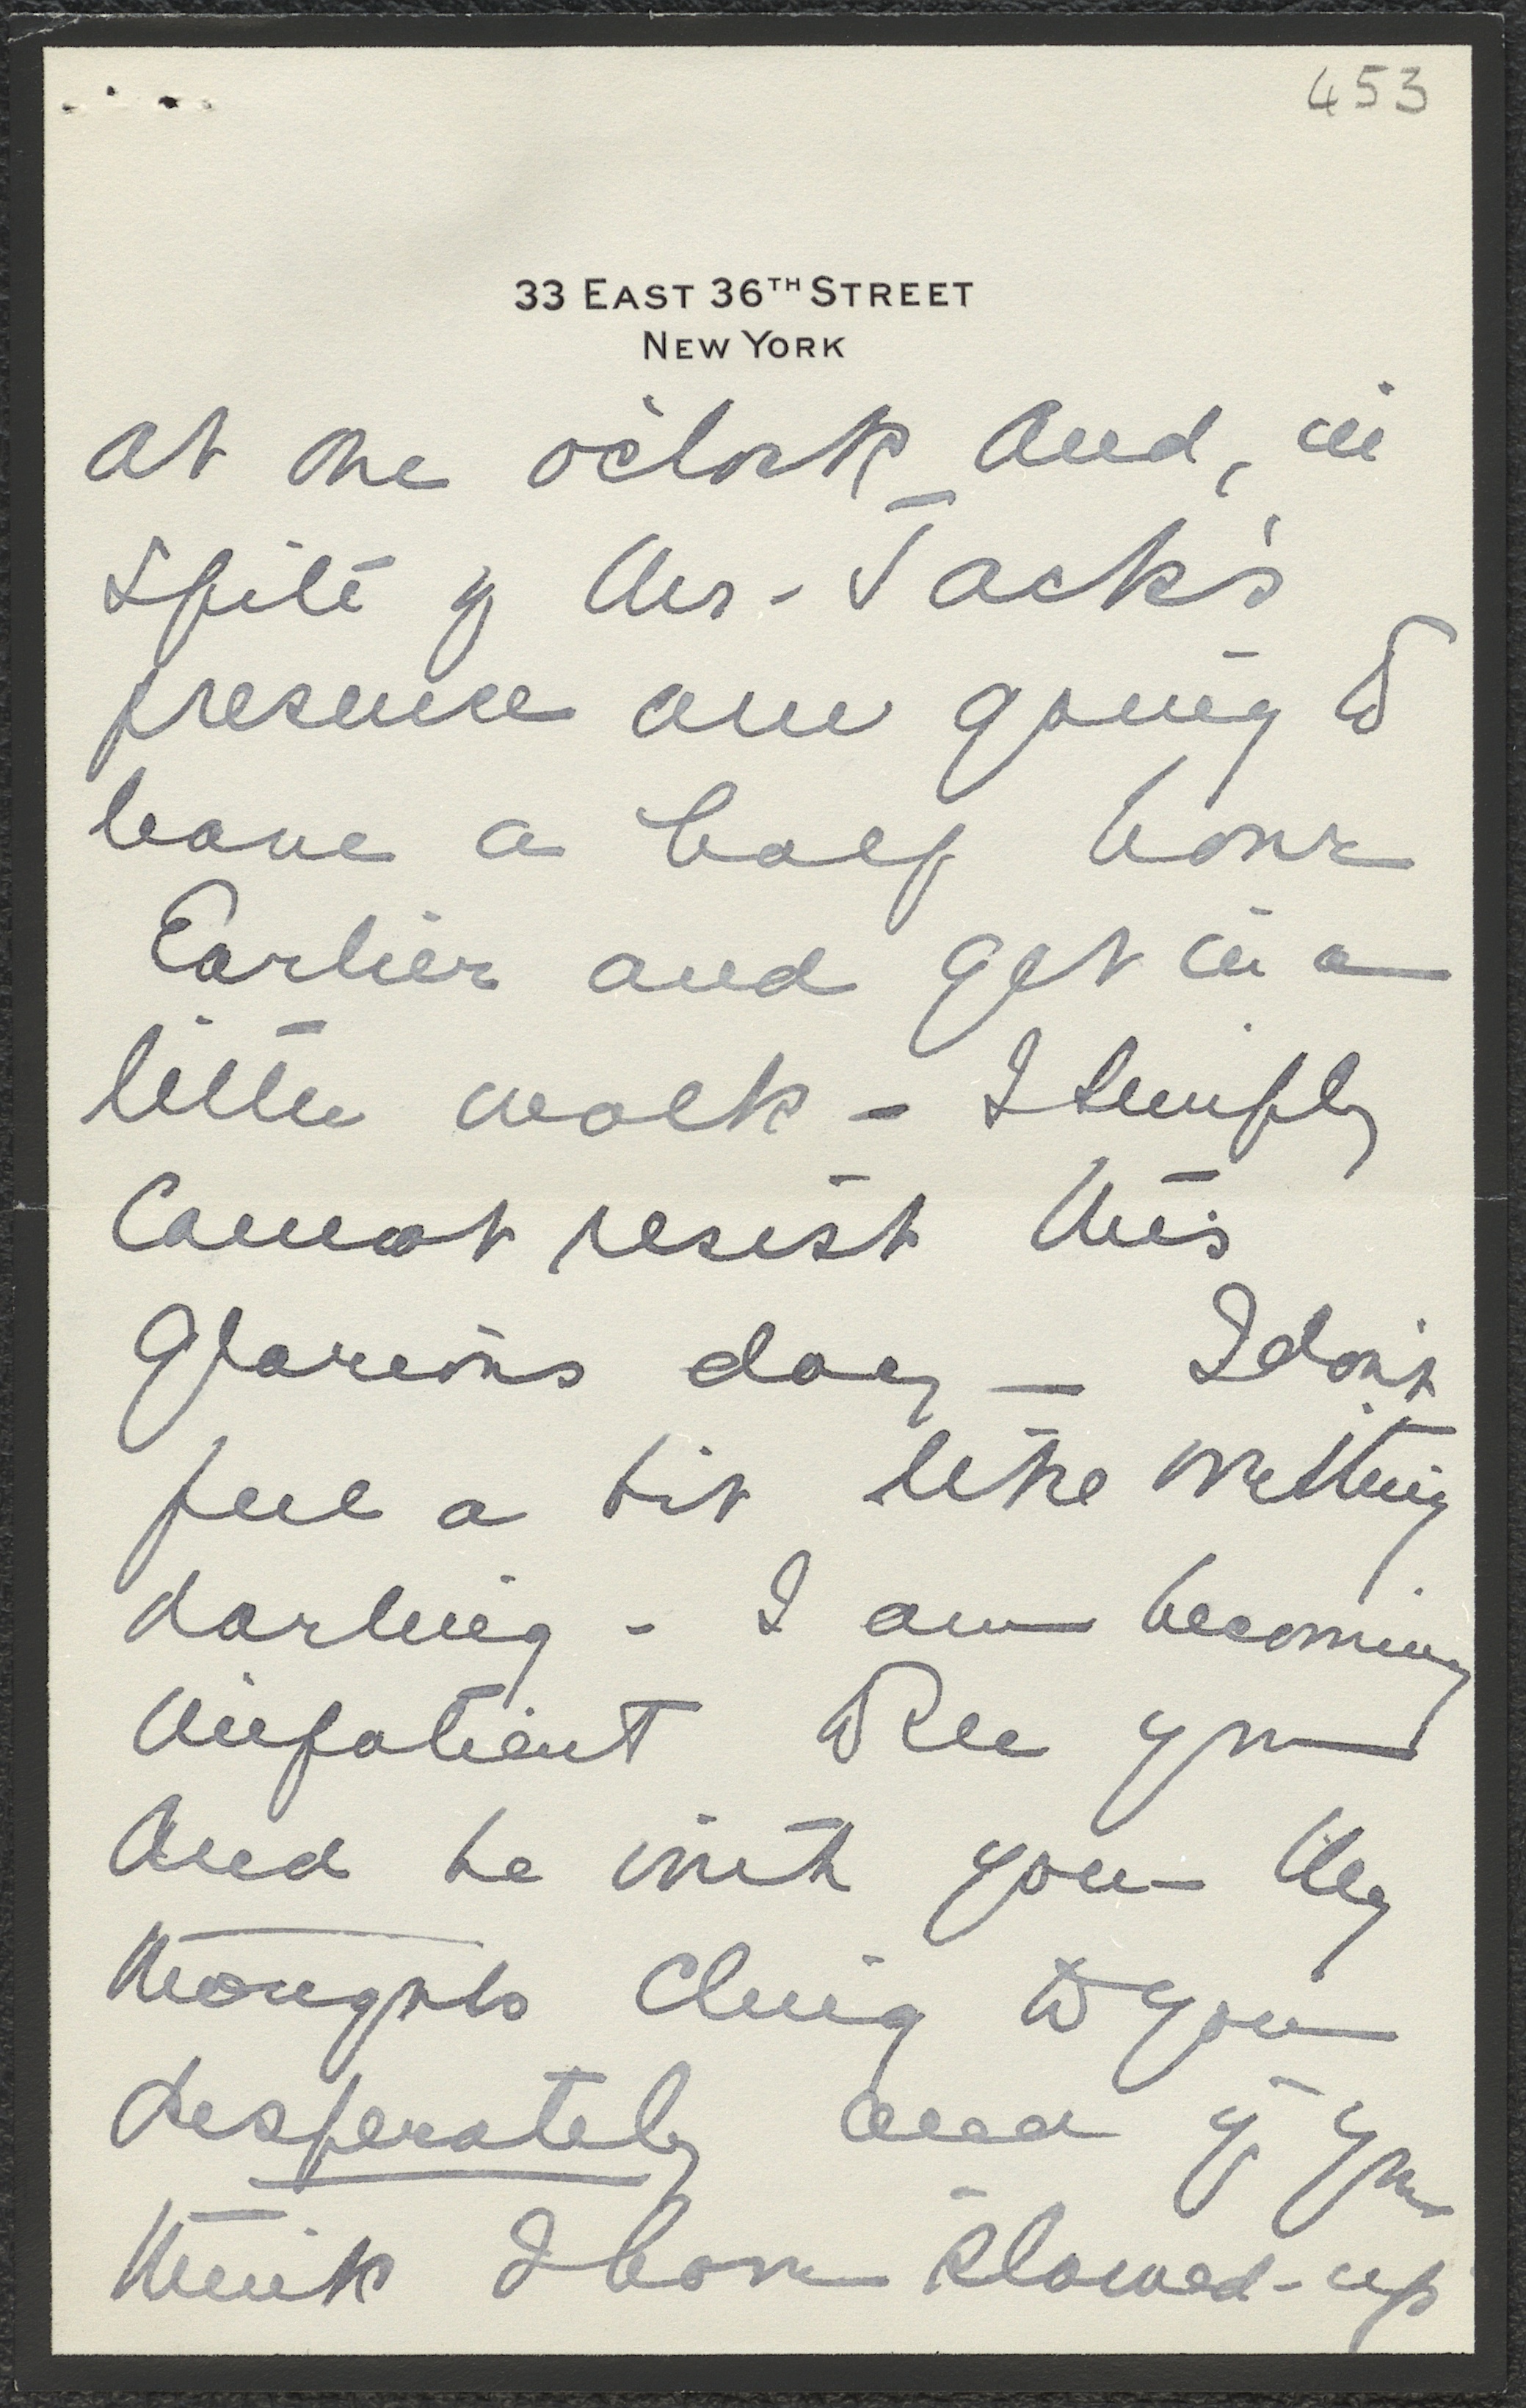at one o’clock and in spite of Mr. Jack’s presence am going to leave a half hour earlier and get in a little walk – I simply cannot resist this glorious day – I don’t feel a bit like writing darling – I am becoming impatient to see you and be with you – My thoughts cling to you desperately and if you think I have slowed-up